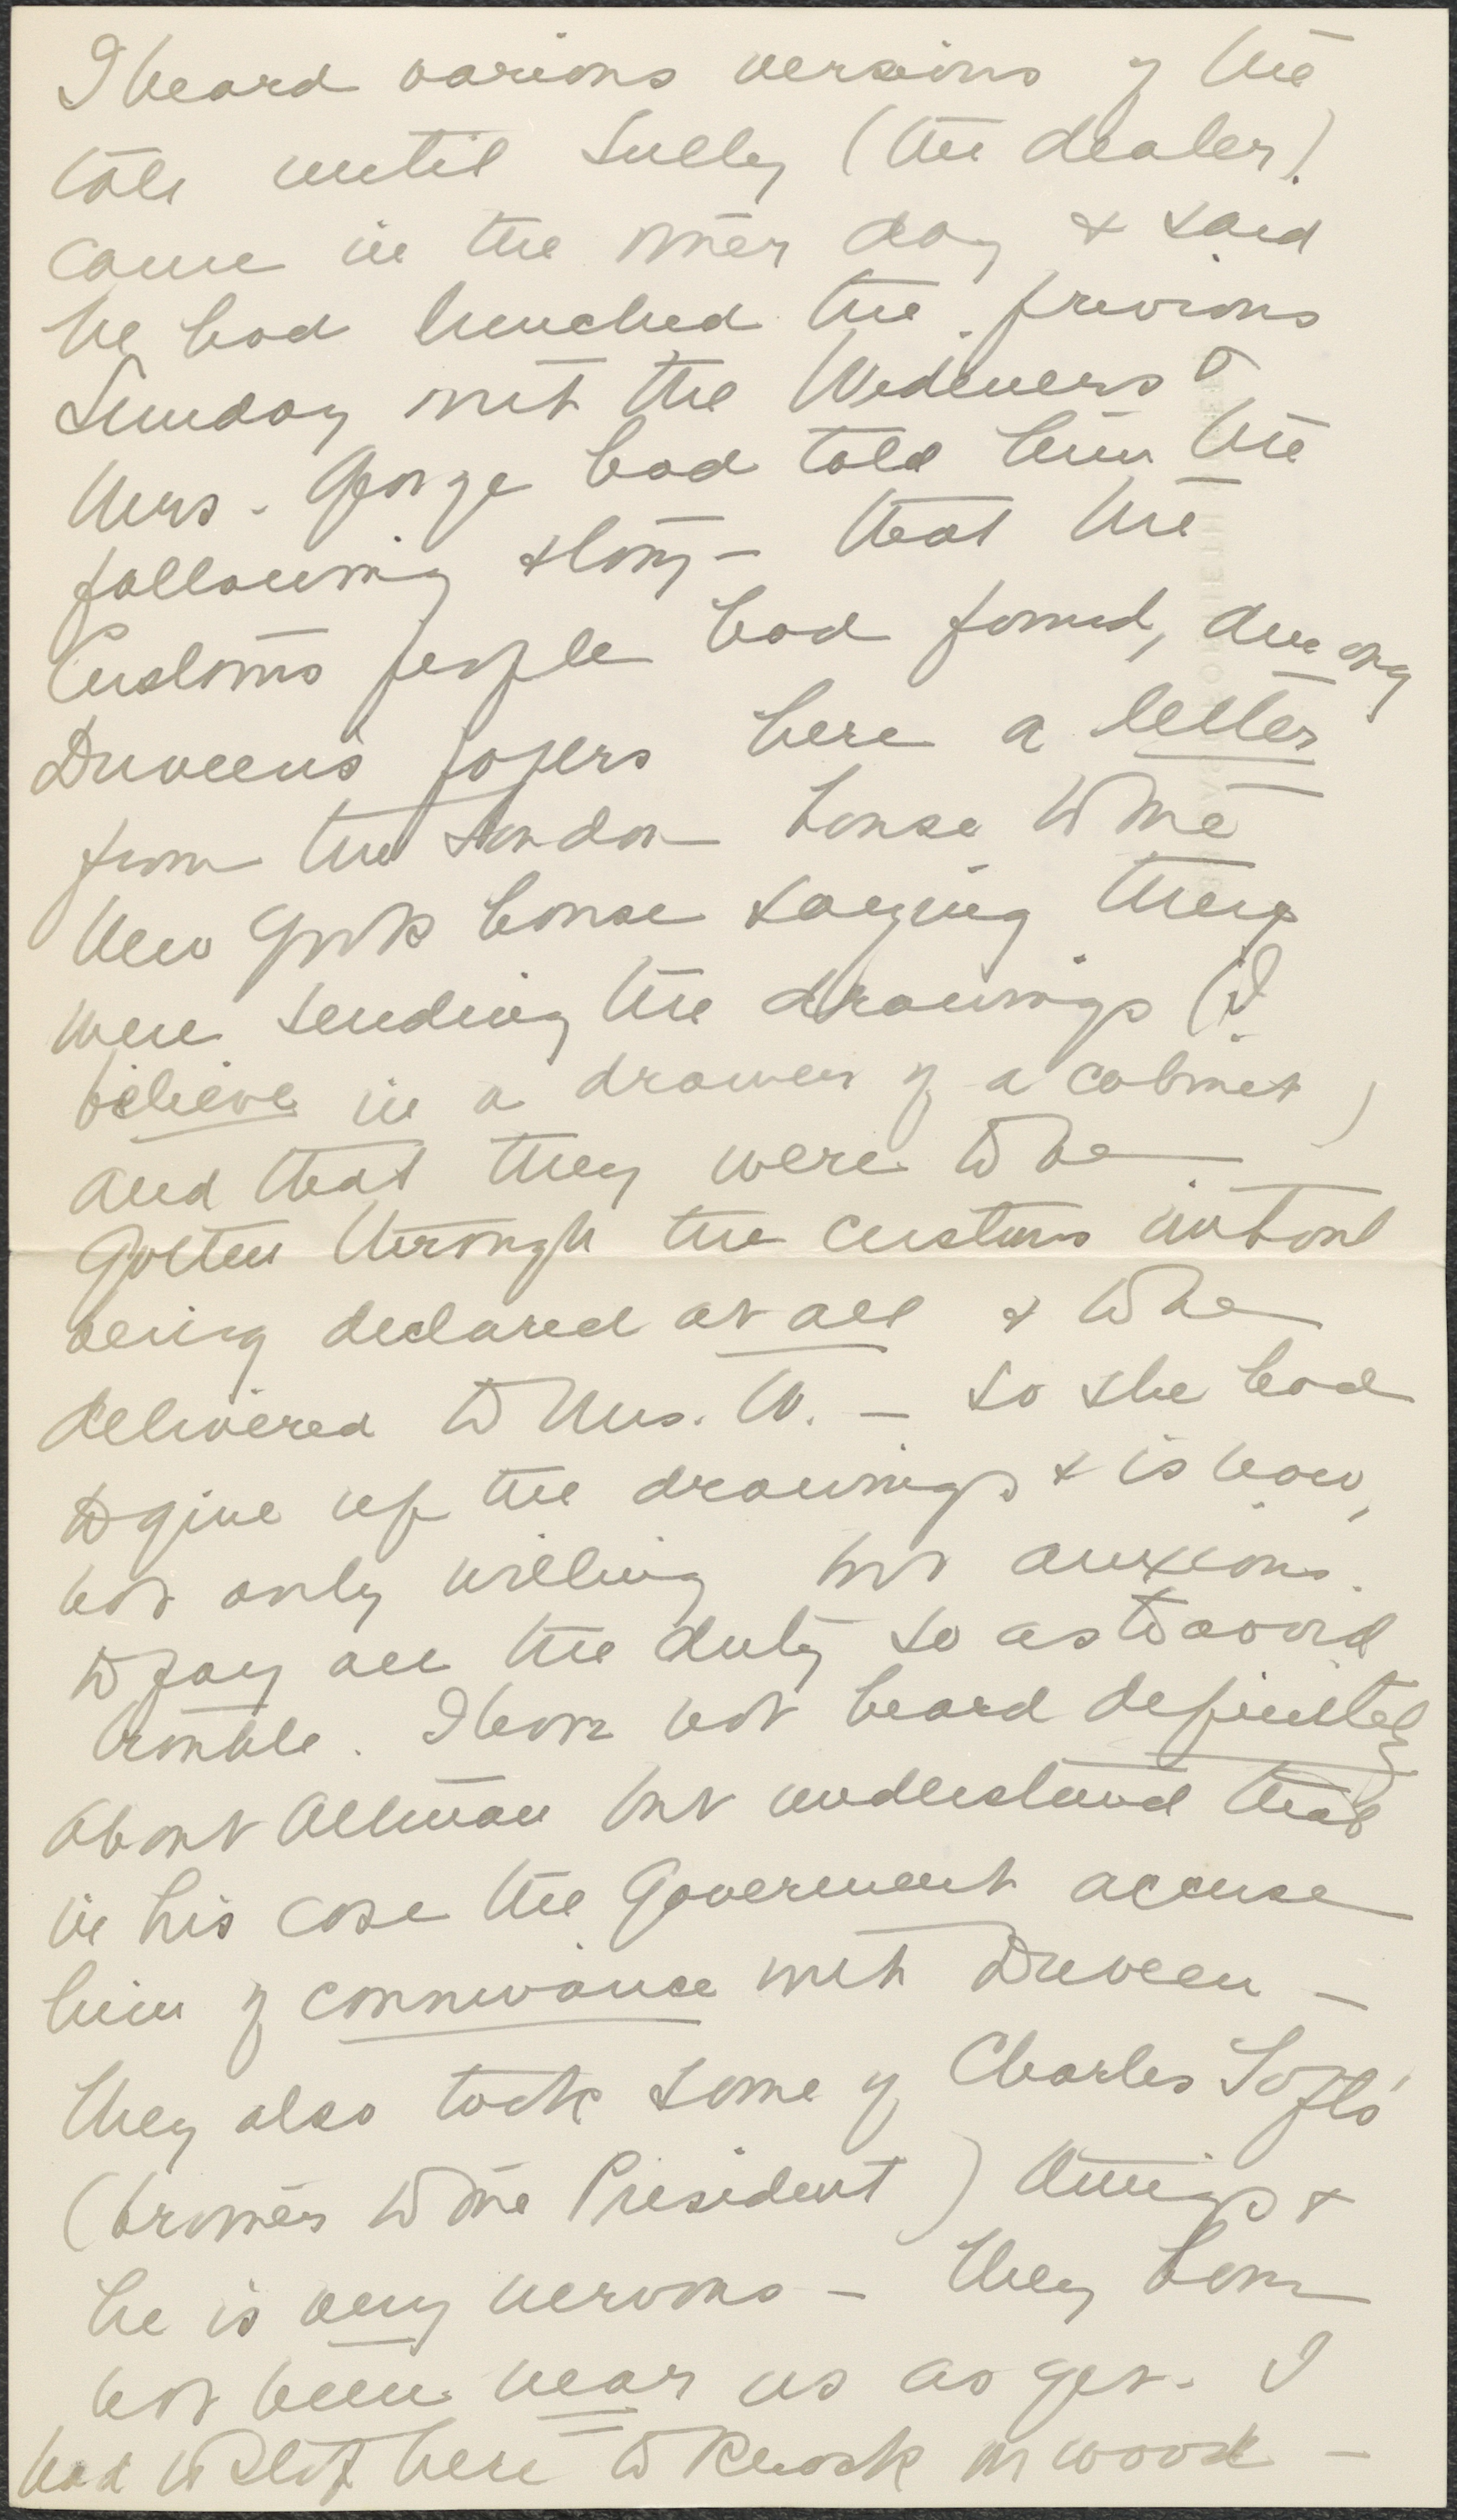I heard various versions of the tale until Sully (the dealer) came in the other day & said he had lunched the previous Sunday with the Wideners & Mrs. George had told him the following story – that the Customs people had found, among Duveen’s papers here a letter from the London house to the New York house saying therey were sending the drawings (I believe in a drawer of a cabinet) and that they were to be gotten through the customs import being declared at all & to be delivered to Mrs. W. – so she had to give up the drawings & is now, not only willing but anxious, to pay all the duty so as to avoid trouble. I have not heard definitely about Altman but understand that in his case the government accuse him of connivance with Duveen – They also took some of Charles Taft’s (brother to the President) things & he is very nervous – They have not been [double underlined: near] us as yet – I had to stop here to knock on wood –